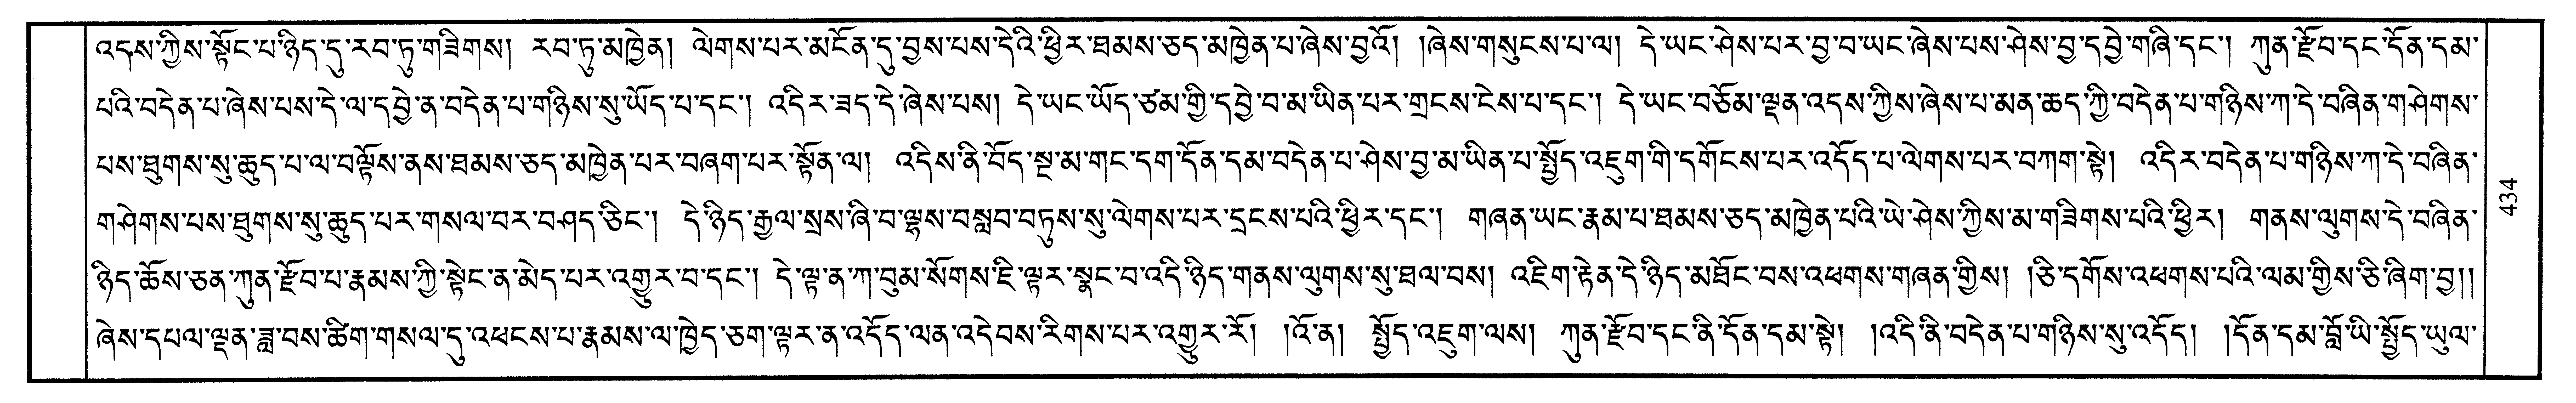འདས་ཀྱིས་སྟོང་པ་ཉིད་དུ་རབ་ཏུ་གཟིགས། རབ་ཏུ་མཁྱེན། ལེགས་པར་མངོན་དུ་བྱས་པས་དེའི་ཕྱིར་ཐམས་ཅད་མཁྱེན་པ་ཞེས་བྱའོ། །ཞེས་གསུངས་པ་ལ། དེ་ཡང་ཤེས་པར་བྱ་བ་ཡང་ཞེས་པས་ཤེས་བྱ་དབྱེ་གཞི་དང་། ཀུན་རྫོབ་དང་དོན་དམ་
པའི་བདེན་པ་ཞེས་པས་དེ་ལ་དབྱེ་ན་བདེན་པ་གཉིས་སུ་ཡོད་པ་དང་། འདིར་ཟད་དེ་ཞེས་པས། དེ་ཡང་ཡོད་ཙམ་གྱི་དབྱེ་བ་མ་ཡིན་པར་གྲངས་ངེས་པ་དང་། དེ་ཡང་བཅོམ་ལྡན་འདས་ཀྱིས་ཞེས་པ་མན་ཆད་ཀྱི་བདེན་པ་གཉིས་ཀ་དེ་བཞིན་གཤེགས་
པས་ཐུགས་སུ་ཆུད་པ་ལ་བལྟོས་ནས་ཐམས་ཅད་མཁྱེན་པར་བཞག་པར་སྟོན་ལ། འདིས་ནི་བོད་སྔ་མ་གང་དག་དོན་དམ་བདེན་པ་ཤེས་བྱ་མ་ཡིན་པ་སྤྱོད་འཇུག་གི་དགོངས་པར་འདོད་པ་ལེགས་པར་བཀག་སྟེ། འདིར་བདེན་པ་གཉིས་ཀ་དེ་བཞིན་
གཤེགས་པས་ཐུགས་སུ་ཆུད་པར་གསལ་བར་བཤད་ཅིང་། དེ་ཉིད་རྒྱལ་སྲས་ཞི་བ་ལྷས་བསླབ་བཏུས་སུ་ལེགས་པར་དྲངས་པའི་ཕྱིར་དང་། གཞན་ཡང་རྣམ་པ་ཐམས་ཅད་མཁྱེན་པའི་ཡེ་ཤེས་ཀྱིས་མ་གཟིགས་པའི་ཕྱིར། གནས་ལུགས་དེ་བཞིན་
ཉིད་ཆོས་ཅན་ཀུན་རྫོབ་པ་རྣམས་ཀྱི་སྟེང་ན་མེད་པར་འགྱུར་བ་དང་། དེ་ལྟ་ན་ཀ་བུམ་སོགས་ཇི་ལྟར་སྣང་བ་འདི་ཉིད་གནས་ལུགས་སུ་ཐལ་བས། འཇིག་རྟེན་དེ་ཉིད་མཐོང་བས་འཕགས་གཞན་གྱིས། །ཅི་དགོས་འཕགས་པའི་ལམ་གྱིས་ཅི་ཞིག་བྱ།།
ཞེས་དཔལ་ལྡན་ཟླ་བས་ཚིག་གསལ་དུ་འཕངས་པ་རྣམས་ལ་ཁྱེད་ཅག་ལྟར་ན་འདོད་ལན་འདེབས་རིགས་པར་འགྱུར་རོ། །འོ་ན། སྤྱོད་འཇུག་ལས། ཀུན་རྫོབ་དང་ནི་དོན་དམ་སྟེ། །འདི་ནི་བདེན་པ་གཉིས་སུ་འདོད། །དོན་དམ་བློ་ཡི་སྤྱོད་ཡུལ་